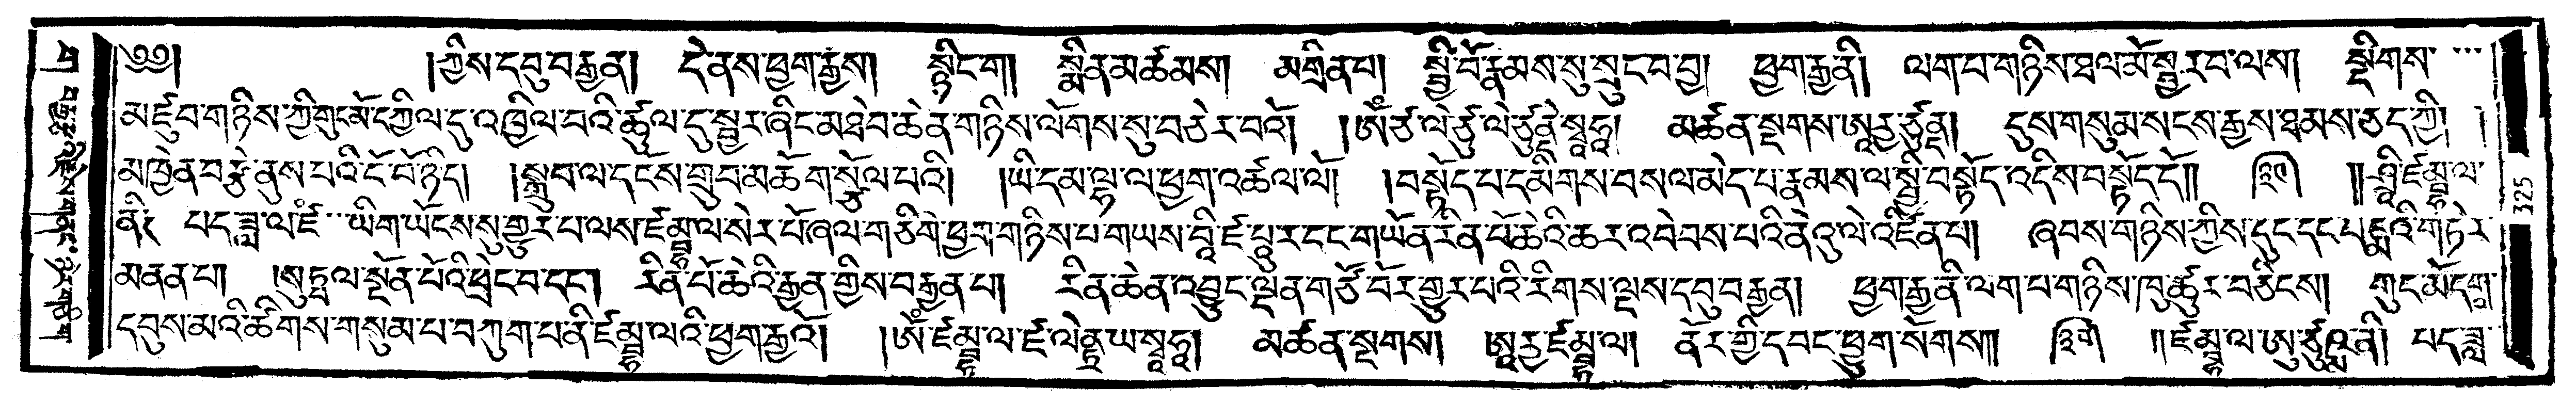༄༅། །ཀྱིས་དབུ་བརྒྱན། དེ་ནས་ཕྱག་རྒྱས། སྙིང་ག། སྨིན་མཚམས། མགྲིན་པ། སྦྱི་བོ་རྣམས་སུ་སྲུང་བ་བྱ། ཕྱག་རྒྱ་ནི། ལག་པ་གཉིས་ཐལ་མོ་སྦྱར་བ་ལས། སྡིགས་
མཛུབ་གཉིས་ཀྱི་གུང་མོ་དཀྱིལ་དུ་འཁྱིལ་བའི་ཚུལ་དུ་སྦྱར་ཞིང་མཐེབ་ཆེན་གཉིས་ལོགས་སུ་བཅེར་བའོ། །ཨོཾ་ཙ་ལེ་ཙུ་ལེ་ཙུནྡེ་སྭཱཧཱ། མཚན་སྔགས་ཨཱརྱ་ཙནྡ། དུས་གསུམ་སངས་རྒྱས་ཐམས་ཅད་ཀྱི། །
མཁྱེན་བརྩེ་ནུས་པའི་ངོ་བོ་ཉིད། །སྒྲུབ་ལ་དངོས་གྲུབ་མཆོག་སྩོལ་པའི། །ཡི་དམ་ལྷ་ལ་ཕྱག་འཚལ་ལོ། །བསྟོད་པ་དམིགས་བསལ་མེད་པ་རྣམས་ལ་སྤྱི་བསྟོད་འདིས་བསྟོད་དོ།། ༣༤?་།།ཤྲཱི་ཛམྦྷ་ལ་
ནི༑ པད་ཟླ་ལ་ཛཾ་ཡིག་ཡོངས་སུ་གྱུར་པ་ལས་ཛམྦྷ་ལ་སེར་པོ་ཞལ་གཅིག་ཕྱག་གཉིས་པ་གཡས་བཱི་ཛ་པཱུ་ར་དང་གཡོན་རིན་པོ་ཆེའི་ཆར་འབེབས་པའི་ནེའུ་ལེ་འཛིན་པ། ཞབས་གཉིས་ཀྱིས་དུང་དང་པདམའི་གཏེར་
མནན་པ། ཨུཏྤལ་སྔོན་པོའི་ཕྲེང་བ་དང་། རིན་པོ་ཆེའི་རྒྱན་གྱིས་བརྒྱན་པ། རིན་ཆེན་འབྱུང་ལྡན་གཙོ་བོར་གྱུར་པའི་རིགས་ལྔས་དབུ་བརྒྱན། ཕྱག་རྒྱ་ནི་ལག་པ་གཉིས་ཁུ་ཚུར་བཅིངས། གུང་མོ་དགས་
དབུས་མའི་ཚིགས་གསུམ་པ་བཀུག་པ་ནི་ཛམྦྷ་ལའི་ཕྱག་རྒྱའོ། །ཨོཾ་ཛམྦྷ་ལ་ཛ་ལེནྡྲ་ཡ་སྭཱཧཱ། མཚན་སྔགས། ཨཱརྱ་ཛམྦྷ་ལ། ནོར་གྱི་དབང་ཕྱུག་སོགས།། ༣༥?་།།ཛམྦྷ་ལ་ཨུ་ཙུཥྨ་ནི། པད་ཟླ་